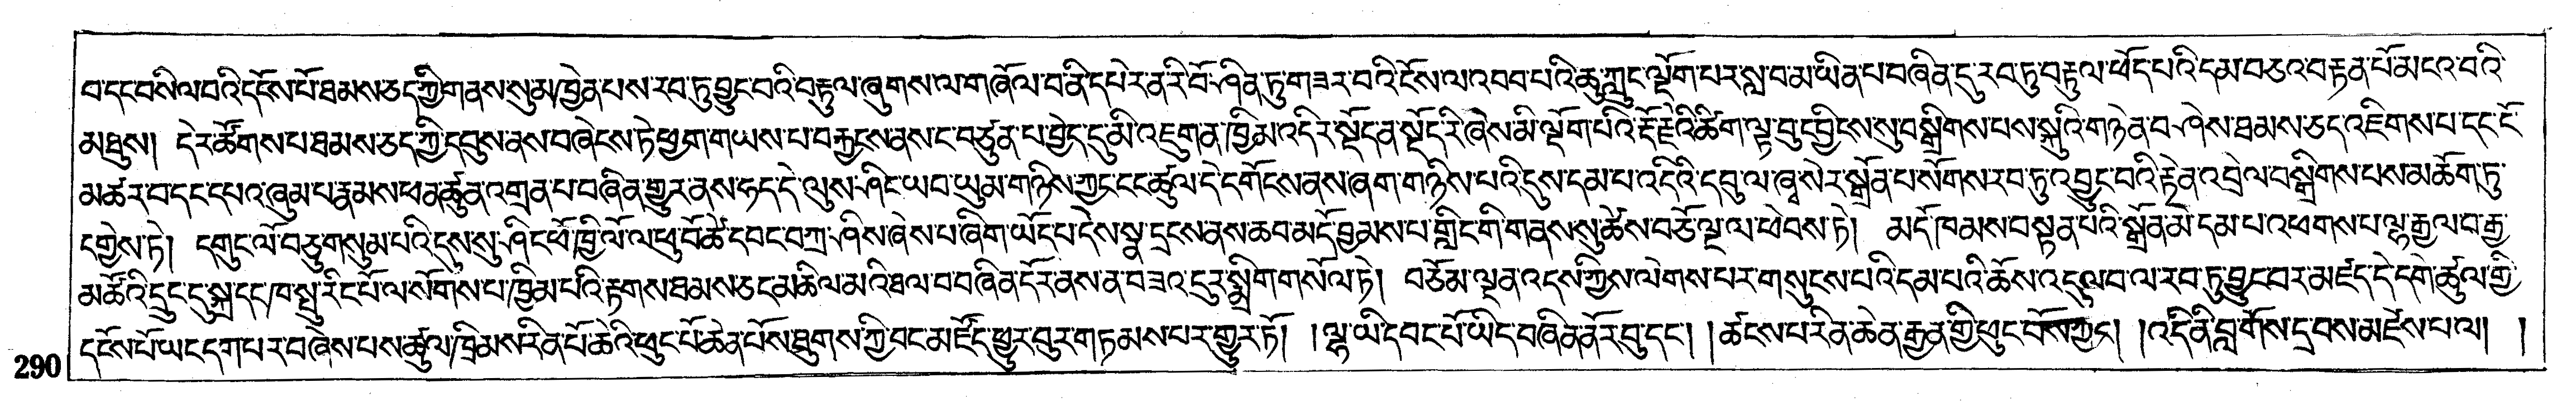བ་དང་བསིལ་བའི་དངོས་པོ་ཐམས་ཅད་ཀྱི་གནས་སུ་མཁྱེན་པས་རབ་ཏུ་བྱུང་བའི་བརྟུལ་ཞུགས་ལ་གཞོལ་བ་ནི་དཔེར་ན་རི་བོ་ཤིན་ཏུ་གཟར་བའི་ངོས་ལ་འབབ་པའི་ཆུ་ཀླུང་ལྡོག་པར་སླ་བ་མ་ཡིན་པ་བཞིན་དུ་རབ་ཏུ་བརྟུལ་ཕོད་པའི་དམ་བཅའ་བརྟན་པོ་མངའ་བའི་
མཐུས། དེར་ཚོགས་པ་ཐམས་ཅད་ཀྱི་དབུས་ནས་བཞེངས་ཏེ་ཕྱག་གཡས་པ་བརྐྱངས་ནས་ང་བཙུན་པ་བྱེད་དུ་མི་འཇུག་ན་ཁྱིམ་འདིར་སྔོད་ན་སྡོང་རི་ཞེས་མི་ལྡོག་པའི་རྡོ་རྗེའི་ཚིག་ལྟ་བུ་དབྱངས་སུ་བསྒྲགས་པས་སྐུའི་གཉེན་བཤེས་ཐམས་ཅད་འཇིགས་པ་དང་ངོ་
མཚར་བ་དང་དཔའ་ཞུམ་པ་རྣམས་ཕན་ཚུན་འགྲན་པ་བཞིན་གྱུར་ནས་ཧད་དེ་ལུས་ཤིང་ཡབ་ཡུམ་གཉིས་ཀྱང་ངང་ཚུལ་དེ་དགོངས་ནས་ཞག་གཉིས་པའི་དུས་དམ་པ་འདིའི་དབུ་ལ་ཞྭ་སེར་སྒྲོན་པ་སོགས་རབ་ཏུ་འབྱུང་བའི་རྟེན་འབྲེལ་བསྒྲིགས་པས་མཆོག་ཏུ་
དགྱེས་ཏེ། དགུང་ལོ་བཅུ་གསུམ་པའི་དུས་སུ་ཤིང་ཕོ་ཁྱི་ལོ་ལ་ཕུ་བོ་ཚེ་དབང་བཀྲ་ཤིས་ཞེས་པ་ཞིག་ཡོད་པ་དེས་སྣ་དྲངས་ནས་ཆབ་མདོ་བྱམས་པ་གླིང་གི་གནས་སུ་ཚེས་བཅོ་ལྔ་ལ་ཕེབས་ཏེ། མདོ་ཁམས་བསྟན་པའི་སྒྲོན་མེ་དམ་པ་འཕགས་པ་ལྷ་རྒྱལ་བ་རྒྱ་
མཚོའི་དྲུང་དུ་སྐྲ་དང་ཁ་སྤུ་རིང་པོ་ལ་སོགས་པ་ཁྱིམ་པའི་རྟགས་ཐམས་ཅད་མཆིལ་མའི་ཐལ་བ་བཞིན་དོར་ནས་ན་བཟའ་དུར་སྨྲིག་གསོལ་ཏེ། བཅོམ་ལྡན་འདས་ཀྱིས་ལེགས་པར་གསུངས་པའི་དམ་པའི་ཆོས་འདུལ་བ་ལ་རབ་ཏུ་བྱུང་བར་མཛད་དེ་དགེ་ཚུལ་གྱི་
དངོས་པོ་ཡང་དག་པར་བཞེས་པས་ཚུལ་ཁྲིམས་རིན་པོ་ཆེའི་ཕུང་པོ་ཆེན་པོས་ཐུགས་ཀྱི་བང་མཛོད་ཕྱུར་བུར་གཏམས་པར་གྱུར་ཏོ། །ལྷ་ཡི་དབང་པོ་ཡིད་བཞིན་ནོར་བུ་དང་། །ཚངས་པ་རིན་ཆེན་རྒྱན་གྱི་ཕུང་པོས་ཀྱང་། །འདི་ནི་བླ་གོས་དྲ་བས་མཛེས་པ་ལ།